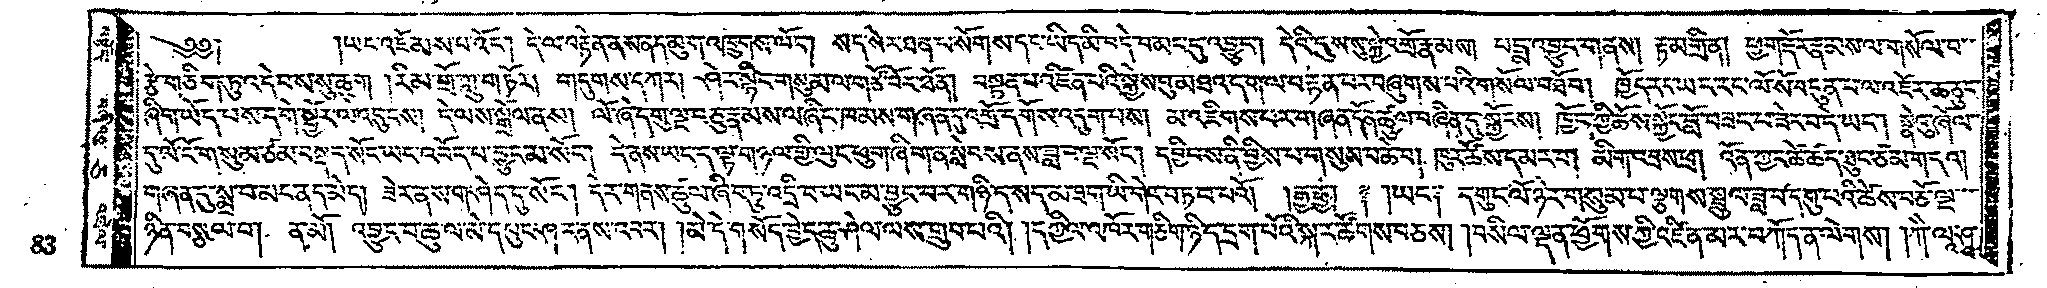༄༅། །ཡང་འཇོམས་པ་འོང་། དེ་ལ་བརྟེན་ནས་ནད་མུག་འཁྲུགས་ལོང་། སད་སེར་ཐན་པ་སོགས་དང་ཡིད་མི་བདེ་བ་མང་དུ་འབྱུང་། དེའི་དུས་སུ་སྐྱེ་འགྲོ་རྣམས། པདམ་འབྱུང་གནས། རྟ་མགྲིན། ཕྱག་རྡོར་རྣམས་ལ་གསོལ་བ་
རྩེ་གཅིག་ཏུ་འདེབས་སུ་ཆུག །རིམ་གྲོ་ཀླུ་གཏོར། གདུགས་དཀར། ཤེར་སྙིང་གསུམ་ལ་གཙོ་བོར་ཐོན། བསྟན་པ་འཛིན་པའི་སྐྱེས་བུ་མཐའ་དག་ལ་བརྟན་པར་བཞུགས་པའི་གསོལ་བ་ཐོབ། ཁྱོད་རང་ཡང་རང་ལོ་སོ་བདུན་པ་ལ་འཛེར་ཆ་ཅུང་
ཞིག་ཡོད་པས་དགེ་སྦྱོར་ལ་འབུངས། དེ་ལས་སྒྲོལ་ནས། ལོ་ཞེ་དགུ་ལྔ་བཅུ་རྣམས་ལ་ཞིང་ཁམས་གཞན་དུ་འགྲོ་དགོས་འདུག་པས། མ་འཇིགས་པར་གཞན་དོན་ཚུལ་བཞིན་དུ་སྐྱོངས། ཁྱོད་ཀྱི་ཆོས་སྐྱོང་བློ་བཟང་པ་ཟེར་བ་དེ་ཡང་། སྣེའུ་ཞོལ་
དུ་ལོ་ངོ་གསུམ་ཙམ་བསྡད་སོང་ཡང་འབོད་པ་བྱུང་མ་སོང་། དེ་ནས་ཡང་ད་ལྟ་གཉལ་གྱི་ལུང་ཕུག་ཞིག་ན་སླེབས་ནས་ཟླ་བ་ལྔ་སོང་། དབྱིབས་ནི་བྱིས་པ་གསུམ་པ་ཆེ་བ། ཁུར་ཚོས་དམར་བ། མིག་འབྲས་ཕྲ། འོན་ཀྱང་ཚེ་ཚད་ཐུང་ཙམ་གདའ།
གཞན་དུ་སྨྲ་བ་མང་ནད་མེད། ཟེར་ནས་གཤེད་དུ་སོང་། དེར་གནས་ཚུལ་ཞིབ་ཏུ་འདྲི་བ་ཡང་མ་བྱུང་བར་གཉིད་སད་མ་ཐག་ཡི་གེར་བཏབ་པའོ། །རྒྱ་རྒྱ། ༈ །ཡང༑ དགུང་ལོ་ཉེར་གསུམ་པ་ལྕགས་སྦྲུལ་ཟླ་བ་དགུ་པའི་ཚེས་བཅོ་ལྔ་
ཉིན་བསྩལ་བ། ན་མོ། འབྱུང་བ་ཆུ་ལ་མེ་དཔུང་ཤར་ནས་འབར། །མེ་དེ་གསོད་བྱེད་ཆུ་ཤེལ་ལས་གྲུབ་པའི། །དཀྱིལ་འཁོར་གཅིག་ཉིད་དྲག་པོའི་སྐར་ཚོགས་བཅས། །བསིལ་ལྡན་ཕྱོགས་ཀྱི་འཛིན་མར་བཀོད་ན་ལེགས། །ཀཻ་ལཱ་ཤཱ་